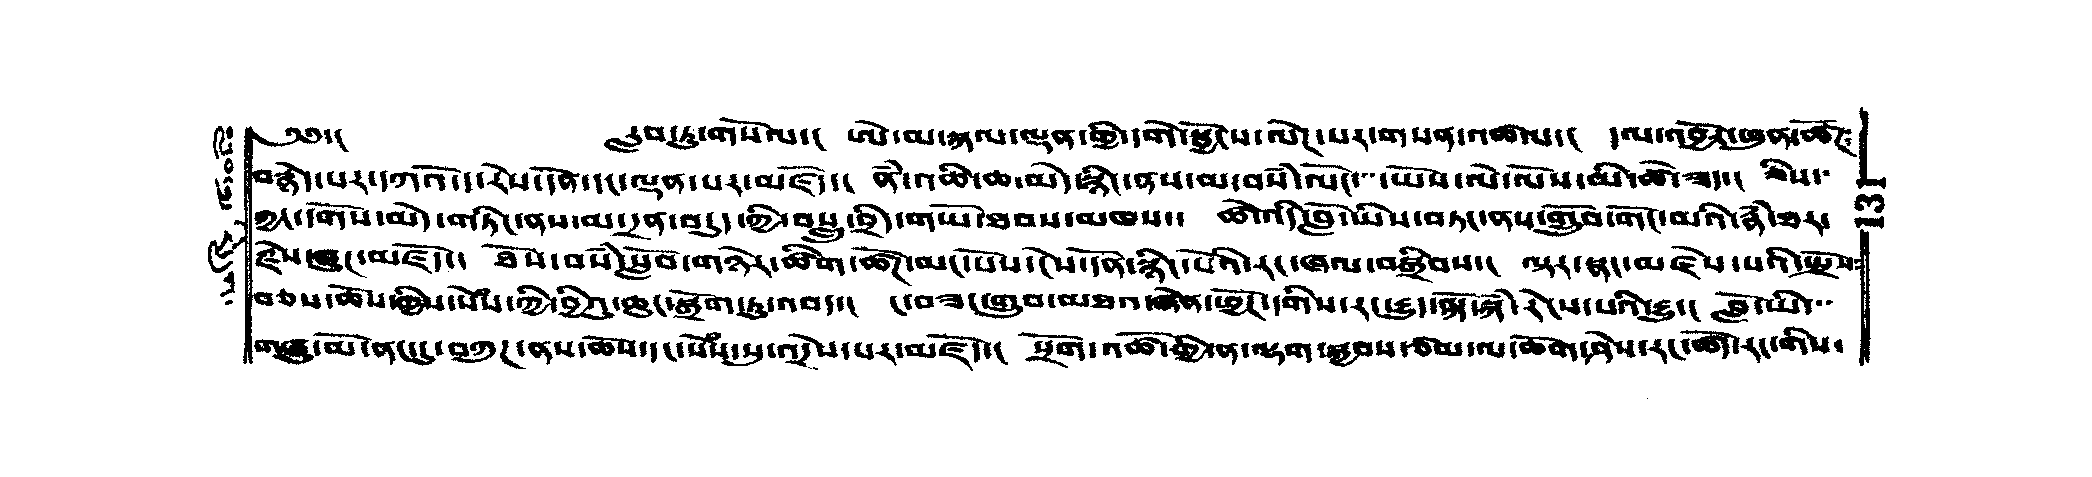བརླབ་ཏུ་གསོལ། ཨེ་མ་སྐལ་ལྡན་གྱི་དགེ་སྦྱོང་ལེགས་པར་གསན་འཚལ། དལ་འབྱོར་ཕུན་ཚོགས་
རྙེད་པར་དཀའོ་ད་རེས་དོན་དང་སྡན་པར་མཛོད། །ནམ་འཆི་ཆ་མེད་སྙིང་ནས་མ་བསམ་ལོང་ཡོད་ལེ་ལོས་མི་ཚེ་ཟད། །ཅིས་
ཀྱང་དགོས་མེད་གཏིང་ནས་མ་དྲན་བདུད་ཀྱི་བསླུ་བྲིད་གཡོ་ཐབས་མཁས། །ཚེ་འདི་བློ་ཡིས་བཏང་ནས་གྲུབ་ཐོབ1$10002201$1000180་གོང་མའི་རྣམ་ཐར་
རྗེས་ཞུགས་མཛོད། ཐོས་བསམ་སློབ་གཉེར་ཚིག་ཚོགས་མང་པོས་ངེས་དོན་སྙིང་པོའི་རང་ཞལ་བསྒྲིབས། ལྟར་སྣང་མཛེས་པའི་སྤྲོས་
བཅས་ཆོས་ཀྱིས་སེམས་ཀྱི་བྱིའ་ཆུང་སྒྲོག་ཏུ་འབད། །ང་བཟང་གྲུབ་མཐའ་ཞེན་ཕྱོགས་དག་གིས་རང་རྒྱུད་ལྐོ་སྐམ་རེངས་པའི་རྒྱུ། བློ་ཡི་
གཞུ་མོ་ནང་དུ་བཀུག་ནས་ཆོས་དང་སེམས་སུ་འདྲེས་པར་མཛོད། །སྲོག་འཚོ་གྱི་ན་ལྷགས་སྐྱོབ་ཙམ་ལ་ཆོག་ཤེས་རང་ཚོད་རང་གིས་